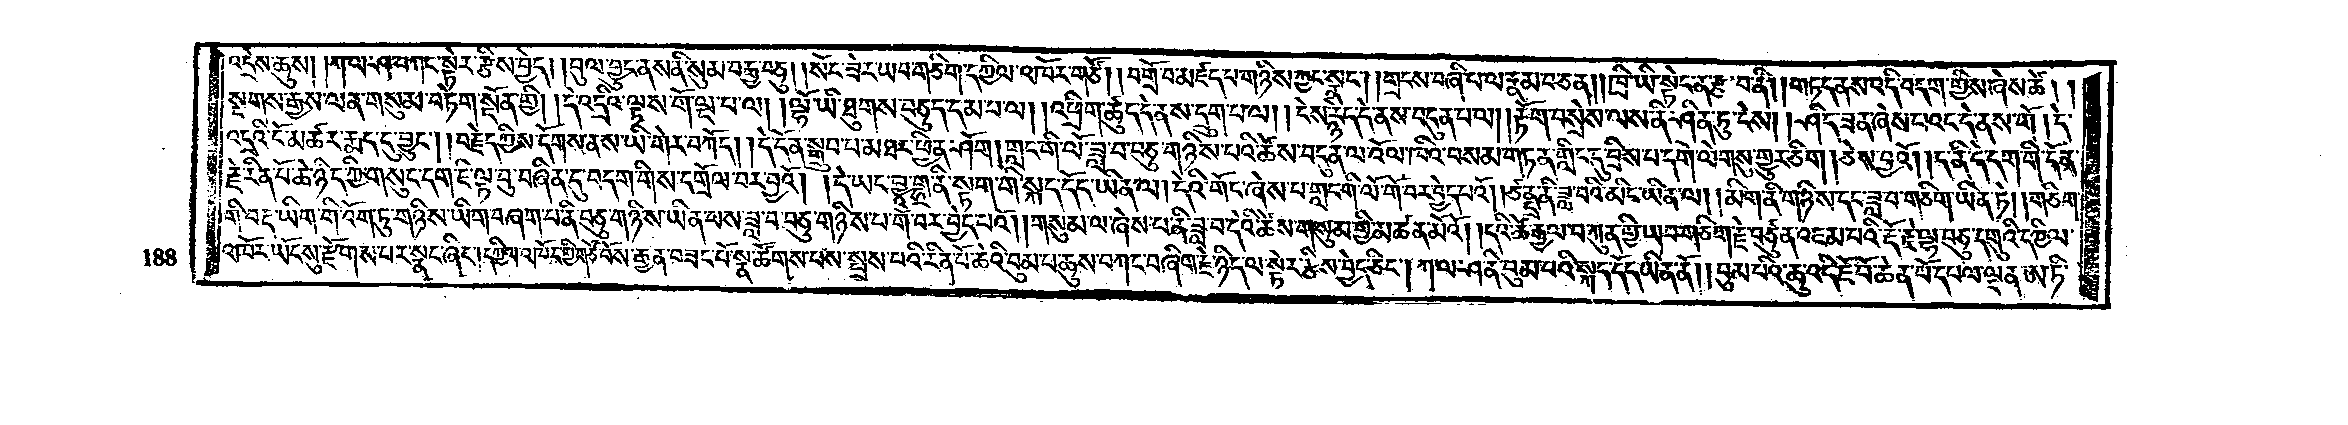འདྲེས་ཆུས། །ཀ་ལ་ཤ་བཀང་སྟེར་རྩིས་བྱེད། །བུལ་བྱུང་ནས་ནི་སུམ་བརྒྱ་བཅུ། །སོང་ཟེར་ཡབ་གཅིག་དཀྱིལ་འཁོར་གཙོ། །བགྲོ་བ་མཛད་པ་གཉིས་ཀྱང་སྣང་། །གྲངས་བཞི་པ་ལ་རྣམ་པ་ཅན། །ཁྲི་ཡི་སྟེང་ན་རྩ་བ་ནི། །གཏད་ནས་འདི་བདག་གིས་ཞེས་ཚེ། །
སྔགས་རྒྱས་ལན་གསུམ་བཏེག་སྔོན་གྱི། །དེ་འདྲའི་ལྟས་གོ་ལྔ་པ་ལ། །ལྷོ་ཡི་ཐུགས་བཅུད་དམ་པ་ལ། །འཕྲིག་ཚུད་དེ་ནས་དྲུག་པ་ལ། །ངེས་རྙེད་དེ་ནས་བདུན་པ་ལ། །རྟོག་བསྲེས་ལས་ནི་ཤིན་ཏུ་ངེས། །ཤིད་ཟན་ཞེས་པའང་དེ་ནས་གོ །དེ་
འདྲའི་ངོ་མཚར་རྨད་དུ་བྱུང་། །བརྗེད་ཀྱིས་དོགས་ནས་ཡི་གེར་བཀོད། །དེ་དོན་སྒྲུབ་པ་མཐར་ཕྱིན་ཤོག །གླང་གི་ལོ་ཟླ་བ་བཅུ་གཉིས་པའི་ཚེས་བདུན་ལ་འོལ་ཁའི་བསམ་གཏན་གླིང་དུ་བྲིས་པ་དགེ་ལེགས་སུ་གྱུར་ཅིག །ཅེས་བྱའོ། །ད་ནི་དེ་དག་གི་དོན་
རྗེ་རིན་པོ་ཆེ་ཉིད་ཀྱི་གསུང་དག་ཇི་ལྟ་བུ་བཞིན་དུ་བདག་གིས་དགྲོལ་བར་བྱའོ། །དེ་ཡང་བྱཱ་གྷྲ་ནི་སྟག་གི་སྐད་དོད་ཡིན་ལ། དེའི་གོང་ཞེས་པ་གླང་གི་ལོ་གོ་བར་བྱེད་པའོ། །ཙནྡྲ་ནི་ཟླ་བའི་མིང་ཡིན་ལ། །མིག་ནི་གཉིས་དང་ཟླ་བ་གཅིག་ཡིན་ཏེ། །གཅིག་
གི་བརྡ་ཡིག་གི་འོག་ཏུ་གཉིས་ཡིག་བཞག་པ་ནི་བཅུ་གཉིས་ཡིན་པས་ཟླ་བ་བཅུ་གཉིས་པ་གོ་བར་བྱེད་པའོ། །གསུམ་ལ་ཞེས་པ་ནི་ཟླ་བ་དེའི་ཚེས་གསུམ་གྱི་མཚན་མོའོ། །དའི་ཚེ་རྒྱལ་བ་ཀུན་གྱི་ཡབ་གཅིག་རྗེ་བཙུན་འཇམ་པའི་རྡོ་རྗེ་ལྷ་བཅུ་དགུའི་དཀྱིལ་
འཁོར་ཡོངས་སུ་རྫོགས་པར་སྣང་ཞིང་། དཀྱིལ་འཁོར་གྱི་གཙོ་བོས་རྒྱན་བཟང་པོ་སྣ་ཚོགས་པས་སྤྲས་པའི་རིན་པོ་ཆེའི་བུམ་པ་ཆུས་བཀང་བཞིག་རྗེ་ཉིད་ལ་སྟེར་རྩིས་བྱེད་ཅིང་། ཀ་ལ་ཤ་ནི་བུམ་པའི་སྐད་དོད་ཡིན་ནོ། །བུམ་པའི་ཆུ་འདི་ཇོ་བོ་ཆེན་པོ་དཔལ་ལྡན་ཨ་ཏི་